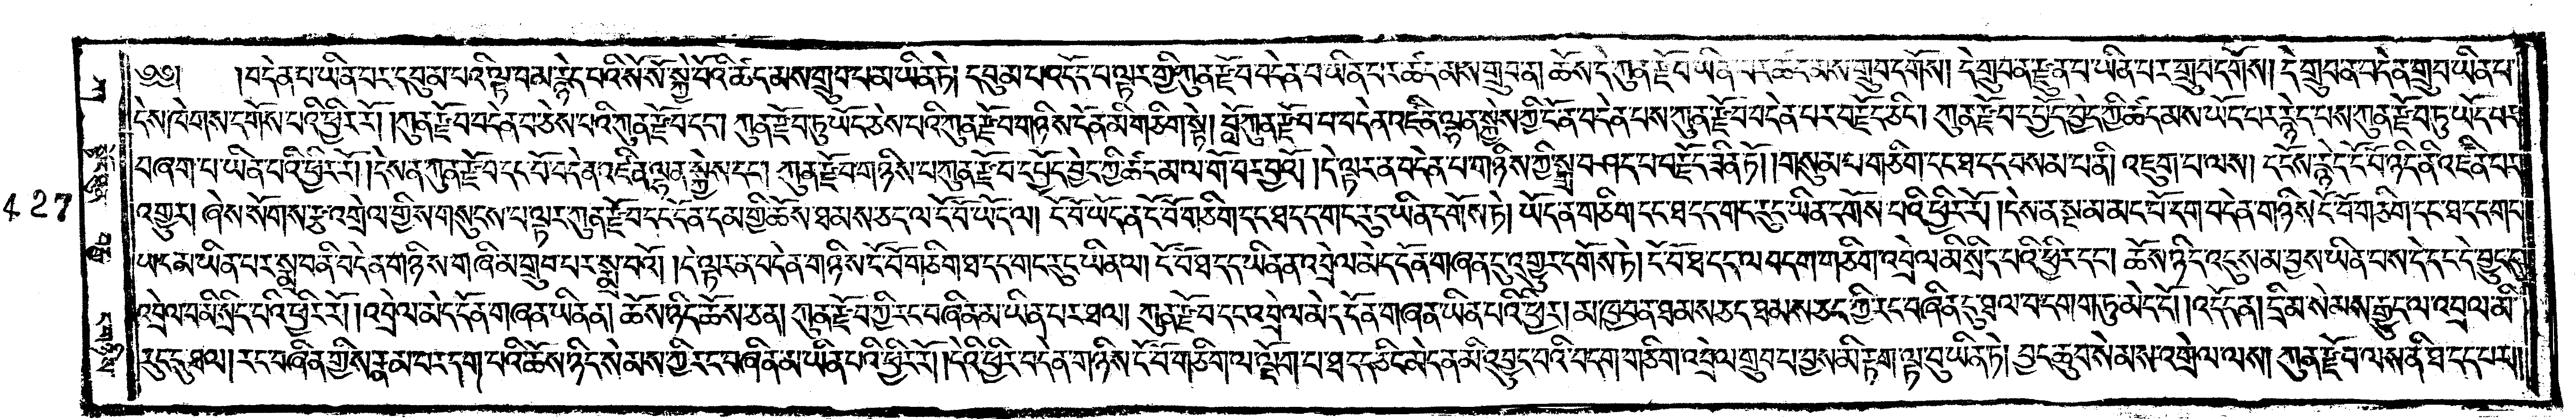༄༅། །བདེན་པ་ཡིན་པར་དབུམ་པའི་ལྟ་བ་མ་རྙེད་པའི་སོ་སོ་སྐྱེ་བོའི་ཚད་མས་གྲུབ་པ་མ་ཡིན་ཏེ། དབུམ་པ་འདོད་པ་ལྟར་གྱི་ཀུན་རྫོབ་བདེན་པ་ཡིན་པར་ཚད་མས་གྲུབ་ན། ཆོས་དེ་ཀུན་རྫོབ་ཡིན་པར་ཚད་མས་གྲུབ་དགོས། དེ་གྲུབ་ན་རྫུན་པ་ཡིན་པར་གྲུབ་དགོས། དེ་གྲུབ་ན་བདེན་གྲུབ་ཡིན་པ་
དེས་ཁེགས་དགོས་པའི་ཕྱིར་རོ། །ཀུན་རྫོབ་བདེན་པ་ཅེས་པའི་ཀུན་རྫོབ་དང་། ཀུན་རྫོབ་ཏུ་ཡོད་ཅེས་པའི་ཀུན་རྫོབ་གཉིས་དོན་མི་གཅིག་སྟེ། བློ་ཀུན་རྫོབ་བ་བདེན་འཛིན་ལྷན་སྐྱེས་ཀྱི་ངོ་ན་བདེན་པས་ཀུན་རྫོབ་བདེན་པར་བརྗོད་ཅིང་། ཀུན་རྫོབ་དབྱོད་བྱེད་ཀྱི་ཚད་མས་ཡོང་བར་རྙེད་པས་ཀུན་རྫོབ་ཏུ་ཡོད་པར་
བཞག་པ་ཡིན་པའི་ཕྱིར་རོ། །དེས་ན་ཀུན་རྫོབ་དང་པོ་བདེན་འཛིན་ལྷན་སྐྱེས་དང་། ཀུན་རྫོབ་གཉིས་པ་ཀུན་རྫོབ་དཔྱོད་བྱེད་ཀྱི་ཚད་མ་ལ་གོ་བར་བྱའོ། །དེ་ལྟར་ན་བདེན་པ་གཉིས་ཀྱི་སྒྲ་བཤད་པ་བརྗོད་ཟིན་ཏོ། །གསུམ་པ་གཅིག་དང་ཐ་དད་བསམ་པ་ནི། འཇུག་པ་ལས། དངོས་རྙེད་ངོ་བོ་ཉིད་ནི་འཛིན་པར་
འགྱུར། ཞེས་སོགས་རྩ་འགྲེལ་གྱིས་གསུངས་པ་ལྟར་ཀུན་རྫོབ་དང་དོན་དམ་གྱི་ཆོས་ཐམས་ཅད་ལ་ངོ་བོ་ཡོད་ལ། ངོ་བོ་ཡོད་ན་ངོ་བོ་གཅིག་དང་ཐ་དད་གང་རུང་ཡིན་དགོས་ཏེ། ཡོད་ན་གཅིག་དང་ཐ་དད་གང་རུང་ཡིན་དགོས་པའི་ཕྱིར་རོ། །དེས་ན་སྔ་མ་མང་པོ་དག་བདེན་གཉིས་ངོ་བོ་གཅིག་དང་ཐ་དད་གང་
ཡང་མ་ཡིན་པར་སྨྲ་བ་ནི་བདེན་གཉིས་གཞི་མ་གྲུབ་པར་སྨྲ་བའོ། །དེ་ལྟར་ན་བདེན་གཉིས་ངོ་བོ་གཅིག་ཐ་དད་གང་རུང་ཡིན་ལ། ངོ་བོ་ཐ་དད་ཡིན་ན་འབྲེལ་མེད་དོན་གཞན་དུ་འགྱུར་དགོས་ཏེ། ངོ་བོ་ཐ་དད་ལ་བདག་གཅིག་འབྲེལ་མི་སྲིད་པའི་ཕྱིར་དང་། ཆོས་ཉིད་འདུས་མ་བྱས་ཡིན་པས་དེ་དང་དེ་བྱུང་དུ་
འབྲེལ་བ་མི་སྲིད་པའི་ཕྱིར་རོ། །འབྲེལ་མེད་དོན་གཞན་ཡིན་ན། ཆོས་ཉིད་ཆོས་ཅན། ཀུན་རྫོབ་ཀྱི་རང་བཞིན་མ་ཡིན་པར་ཐལ། ཀུན་རྫོབ་དང་འབྲེལ་མེད་དོན་གཞན་ཡིན་པའི་ཕྱིར། མ་ཁྱབ་ན་ཐམས་ཅད་ཐམས་ཅད་ཀྱི་རང་བཞིན་དུ་ཐལ་བ་དགག་ཏུ་མེད་དོ། །འདོད་ན། དྲི་མ་སེམས་རྒྱུད་ལ་འབྲལ་མི་
རུང་དུ་ཐལ། རང་བཞིན་གྱིས་རྣམ་པར་དག་པའི་ཆོས་ཉིད་སེམས་ཀྱི་རང་བཞིན་མ་ཡིན་པའི་ཕྱིར་རོ། །དེའི་ཕྱིར་བདེན་གཉིས་ངོ་བོ་གཅིག་ལ་ལྡོག་པ་ཐ་དད་ཅིང་མེད་ན་མི་འབྱུང་བའི་བདག་གཅིག་འབྲེལ་གྲུབ་པ་བྱས་མི་རྟག་ལྟ་བུ་ཡིན་ཏེ། བྱང་ཆུབ་སེམས་འགྲེལ་ལས། ཀུན་རྫོབ་ལས་ནི་ཐ་དད་པར།